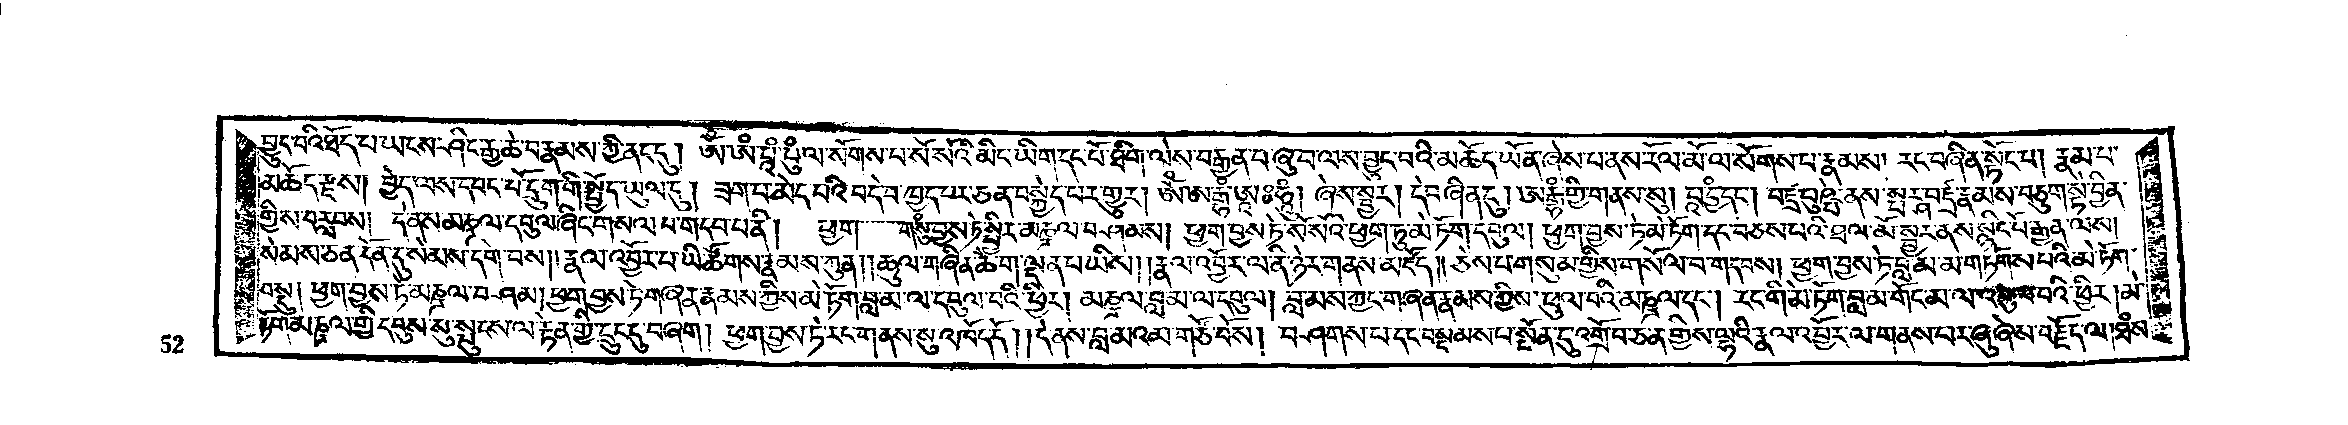བྱུང་བའི་ཐོད་པ་ཡངས་ཤིང་རྒྱ་ཆེ་བ་རྣམས་ཀྱི་ནང་དུ། ཨོཾ་ཨོཾ་པཱཾ་པུཾ་ལ་སོགས་པ་སོ་སོའི་མིང་ཡིག་དང་པོ་ཐིག་ལེས་བརྒྱན་པ་ཞུ་བ་ལས་བྱུང་བའི་མཆོད་ཡོན་ཞེས་པ་ནས་རོལ་མོ་ལ་སོགས་པ་རྣམས། རང་བཞིན་སྟོང་པ། རྣམ་པ་
མཆོད་རྫས། བྱེད་ལས་དབང་པོ་དྲུག་གི་སྤྱོད་ཡུལ་དུ། ཟག་པ་མེད་པའི་བདེ་བ་ཁྱད་པར་ཅན་བསྐྱེད་པར་གྱུར། ཨོཾ་ཨ་རྒྷཾ་ཨཱཿ ཧཱུཾ། ཞེས་སྦྱར། དེ་བཞིན་དུ། ཨརྒྷཾ་གྱི་གནས་སུ། པཱ་དྱཾ་དང་། བཛྲ་པུཥྤེ་ནས་སྤརྴ་བཛྲ་རྣམས་བཅུག་སྟེ་བྱིན་
གྱིས་བརླབས། དེ་ནས་མཎྜལ་དབུལ་ཞིང་གསལ་བ་གདབ་པ་ནི། ཕྱག་གསུམ་བྱས་ཏེ་སྤྱིར་མཎྜལ་བཤམས། ཕྱག་བྱས་ཏེ་སོ་སོའི་ཕྱག་ཏུ་མེ་ཏོག་དབུལ། ཕྱག་བྱས་ཏེ་མེ་ཏོག་དང་བཅས་པའི་ཐལ་མོ་སྦྱར་ནས་སྙིང་པོ་རྒྱན་ལས།
སེམས་ཅན་དོན་དུ་སེམས་དགེ་བས། །རྣལ་འབྱོར་པ་ཡི་ཚོགས་རྣམས་ཀུན། །ཆུལ་གཞིན་ཆོ་ག་ལྡན་པ་ཡིས། །རྣལ་འབྱོར་ལ་ནི་ཉེར་གནས་མཛོད། །ཅེས་པ་གསུམ་གྱིས་གསོལ་བ་གདབས། ཕྱག་བྱས་ཏེ་བླ་མ་མ་གཏོགས་པའི་མེ་ཏོག་
བསྡུ། ཕྱག་བྱས་ཏེ་མཎྜལ་བཤམ། ཕྱག་བྱས་ཏེ་གཞན་རྣམས་ཀྱིས་མེ་ཏོག་བླ་མ་ལ་དབུལ་བའི་ཕྱིར། མཎྜལ་བླ་མ་ལ་དབུལ། བླ་མས་ཀྱང་གཞན་རྣམས་ཀྱིས་ཕུལ་བའི་མཎྜལ་དང་། རང་གི་མེ་ཏོག་བླ་མ་གོང་མ་ལ་འབུལ་བའི་ཕྱིར། མེ་
ཏོག་མཎྜལ་གྱི་དབུས་སུ་སྤུངས་ལ་རྟེན་གྱི་དྲུང་དུ་བཞག །ཕྱག་བྱས་ཏེ་རང་གནས་སུ་འཁོད་དོ། །དེ་ནས་བླ་མའམ་གཙོ་བོས། བཤགས་པ་དང་བསྡམས་པ་སྔོན་དུ་འགྲོ་བ་ཅན་གྱིས་ལྷའི་རྣལ་འབྱོར་ལ་གནས་པར་ཞུ་ཞེས་བརྗོད་ལ། ཐམས་